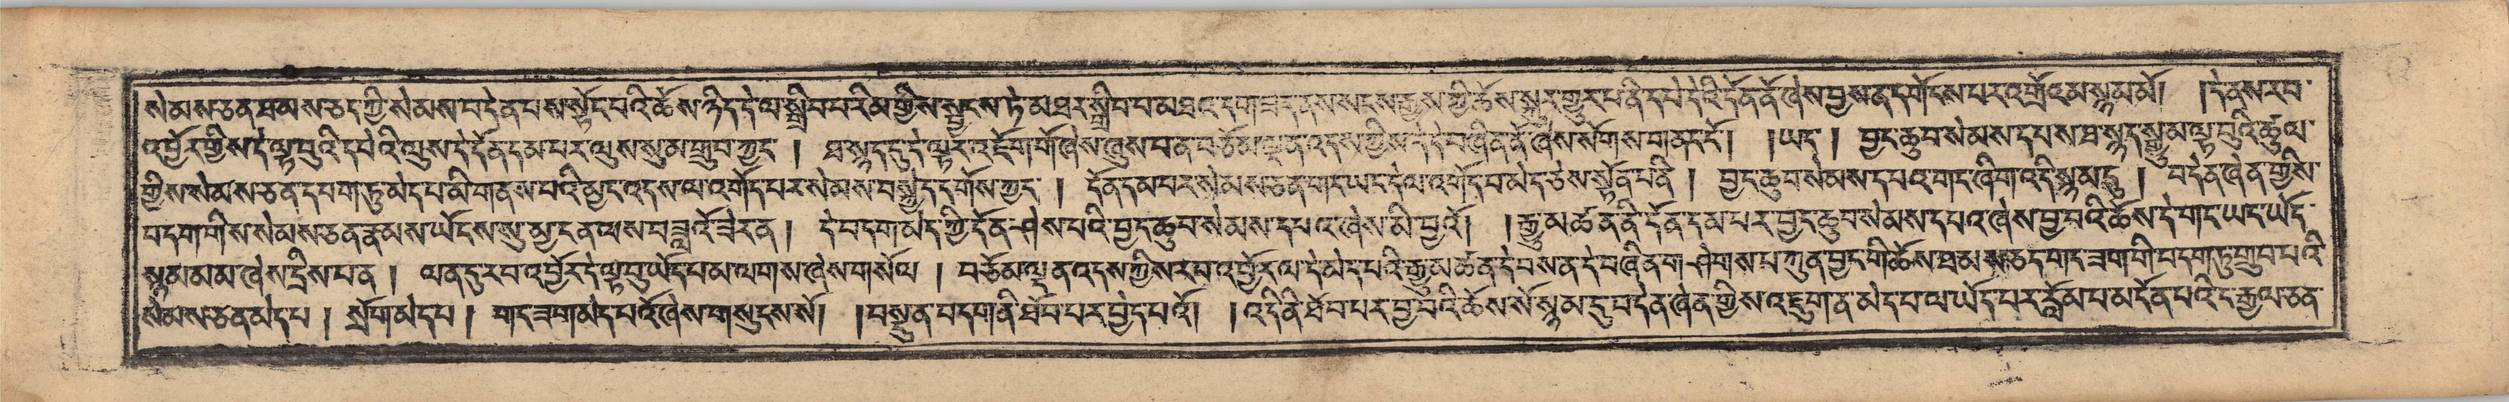སེམས་ཅན་ཐམས་ཅད་ཀྱི་སེམས་བདེན་པས་སྟོང་པའི་ཆོས་ཉིད་དེ་ལ་སྒྲིབ་པ་རིམ་གྱིས་སྦྱངས་ཏེ་མཐར་སྒྲིབ་པ་མཐའ་དག་ཟད་ནས་སངས་རྒྱས་ཀྱི་ཆོས་སྐུར་གྱུར་པ་ནི་དཔེ་དེའི་དོན་ནོ་ཞེས་བྱས་ན་དགོངས་པར་འགྲོའམ་སྙམ་མོ། །དེ་ནས་རབ་
འབྱོར་གྱིས་དེ་ལྟ་བུའི་དཔེའི་ལུས་དེ་དོན་དམ་པར་ལུས་སུ་མ་གྲུབ་ཀྱང་། ཐ་སྙད་དུ་དེ་ལྟར་འཇོག་གོ་ཞེས་ཞུས་པ་ན་བཅོམ་ལྡན་འདས་ཀྱིས་དེ་དེ་བཞིན་ནོ་ཞེས་སོགས་གནང་ངོ། །ཡང་། བྱང་ཆུབ་སེམས་དཔས་ཐ་སྙད་སྒྱུ་མ་ལྟ་བུའི་ཚུལ་
གྱིས་སེམས་ཅན་དཔག་ཏུ་མེད་པ་མི་གནས་པའི་མྱང་འདས་ལ་འགོད་པར་སེམས་བསྐྱེད་དགོས་ཀྱང་། དོན་དམ་པར་སེམས་ཅན་གང་ཡང་དེ་ལ་འགོད་པ་མེད་ཅེས་སྟོན་པ་ནི། བྱང་ཆུབ་སེམས་དཔའ་གང་ཞིག་འདི་སྙམ་དུ། བདེན་ཞེན་གྱིས་
བདག་གིས་སེམས་ཅན་རྣམས་ཡོངས་སུ་མྱ་ངན་ལས་བཟླའོ་ཟེར་ན། དེ་བདག་མེད་ཀྱི་དོན་ཤེས་པའི་བྱང་ཆུབ་སེམས་དཔའ་ཞེས་མི་བྱའོ། །རྒྱུ་མཚན་ནི་དོན་དམ་པར་བྱང་ཆུབ་སེམས་དཔའ་ཞེས་བྱ་བའི་ཆོས་དེ་གང་ཡང་ཡོད་
སྙམ་མམ་ཞེས་དྲིས་པ་ན། ལན་དུ་རབ་འབྱོར་དེ་ལྟ་བུ་ཡོད་པ་མ་ལགས་ཞེས་གསོལ། བཅོམ་ལྡན་འདས་ཀྱིས་རབ་འབྱོར་ལ་དེ་མེད་པའི་རྒྱུ་མཚན་དེ་བས་ན་དེ་བཞིན་གཤེགས་པ་ཀུན་བྱང་གི་ཆོས་ཐམས་ཅད་གང་ཟག་གི་བདག་ཏུ་གྲུབ་པའི་
སེམས་ཅན་མེད་པ། སྲོག་མེད་པ། གང་ཟག་མེད་པའོ་ཞེས་གསུངས་སོ། །བསྡུ་ན་བདག་ནི་ཐོབ་པར་བྱེད་པའོ། །འདི་ནི་ཐོབ་པར་བྱ་བའི་ཆོས་སོ་སྙམ་དུ་བདེན་ཞེན་གྱིས་འཇུག་ན་མེད་པ་ལ་ཡོད་པར་རློམ་པ་མངོན་པའི་ང་རྒྱལ་ཅན་